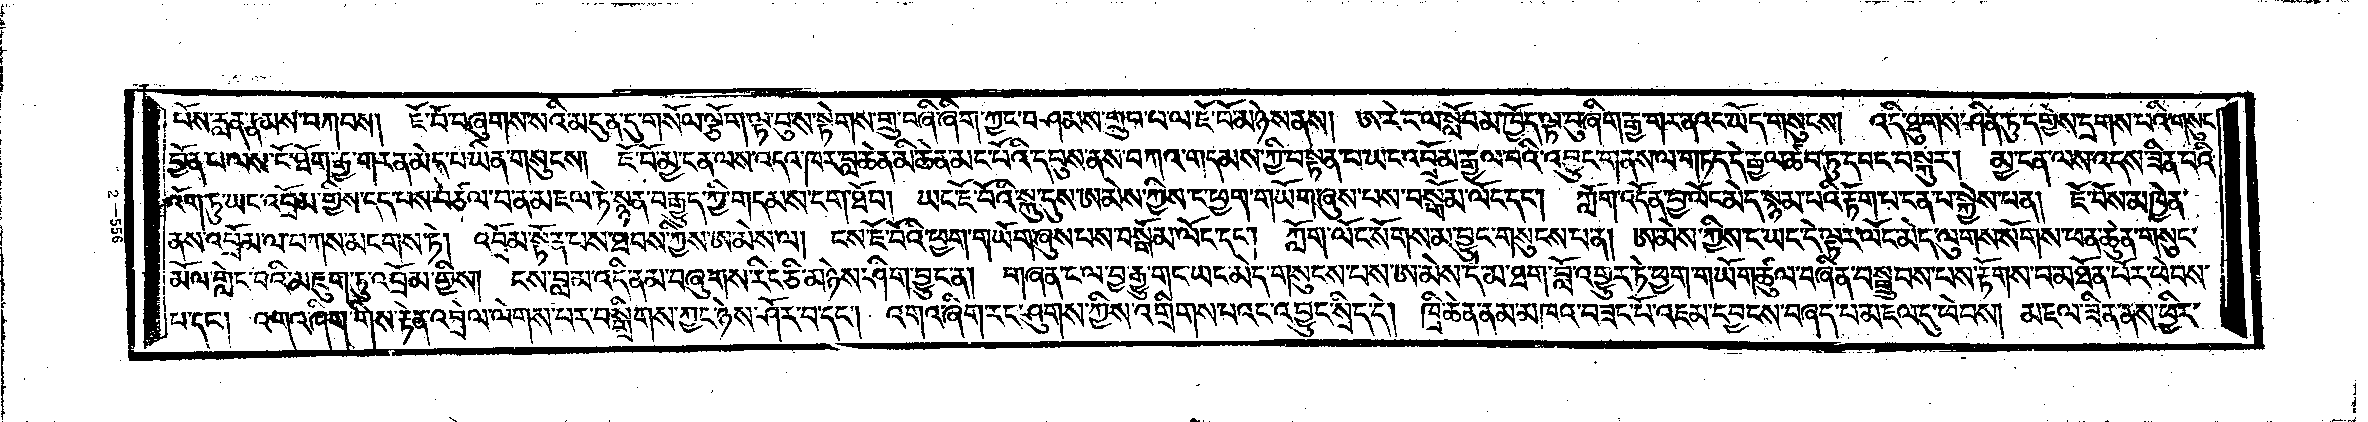པོས་རླན་རྣམས་བཀབས། ཇོ་བོ་བཞུགས་སའི་མདུན་དུ་གསོལ་ལྕོག་ལྟ་བུ་ས་སྟེགས་གྲུ་བཞི་ཞིག་ཀྱང་བཤམས་གྲུབ་པ་ལ་ཇོ་བོ་མཉེས་ནས། ཨ་རེང་ལ་སློབ་མ་ཁྱོད་ལྟ་བུ་ཞིག་རྒྱ་གར་ན་ཡང་ཡོད་གསུངས། འདི་ཐུགས་ཤིན་ཏུ་དགྱེས་དྲགས་པའི་གསུང་
བྱོན་པ་ལས་ངོ་ཐོག་རྒྱ་གར་ན་མེད་པ་ཡིན་གསུངས། ཇོ་བོ་མྱ་ངན་ལས་འདའ་ཁར་བླ་ཆེན་མི་ཆེན་མང་པོའི་དབུས་ནས་བཀའ་གདམས་ཀྱི་བསྟན་པ་ཡང་འབྲོམ་རྒྱལ་བའི་འབྱུང་གནས་ལ་གཏད་དེ་རྒྱལ་ཚབ་ཏུ་དབང་བསྐུར། མྱ་ངན་ལས་འདས་ཟིན་པའི་
འོག་ཏུ་ཡང་འབྲོམ་གྱིས་དད་པས་བཙལ་བ་ན་མཇལ་ཏེ་སྙན་བརྒྱུད་ཀྱི་གདམས་ངག་ཐོབ། ཡང་ཇོ་བོའི་སྐུ་དུས་ཨ་མེས་ཀྱིས་ང་ཕྱག་གཡོག་ཞུས་པས་བསྒོམ་ལོང་དང་། ཀློག་འདོན་བྱ་ལོང་མེད་སྙམ་པའི་རྟོག་པ་ངན་པ་སྐྱེས་པ་ན། ཇོ་བོས་མཁྱེན་
ནས་འབྲོམ་ལ་བཀས་མངགས་ཏེ། འབྲོམ་སྟོན་པས་ཐབས་ཀྱིས་ཨ་མེས་ལ། ངས་ཇོ་བོའི་ཕྱག་གཡོག་ཞུས་པས་བསྒོམ་ལོང་དང་། ཀློག་ལོང་སོགས་མ་བྱུང་གསུངས་པ་ན། ཨ་མེས་ཀྱིས་ང་ཡང་དེ་ལྟར་ལོང་མེད་ལུགས་སོགས་ཕན་ཆུན་གསུང་
མོལ་གླེང་བའི་མཇུག་ཏུ་འབྲོམ་གྱིས། ངས་བླ་མ་འདི་ནམ་བཞུགས་རིང་ཅི་མཉེས་ཤིག་བྱུང་ན། གཞན་ང་ལ་བྱ་རྒྱུ་གང་ཡང་མེད་གསུངས་པས་ཨ་མེས་དེ་མ་ཐག་བློ་འགྱུར་ཏེ་ཕྱག་གཡོག་ཚུལ་བཞིན་བསྒྲུབས་པས་རྟོགས་པ་མཐོན་པར་ཕེབས་
པ་དང་། འགའ་ཞིག་གིས་རྟེན་འབྲེལ་ལེགས་པར་བསྒྲིགས་ཀྱང་ཉེས་ཤོར་བ་དང་། འགའ་ཞིག་རང་ཤུགས་ཀྱིས་འགྲིགས་པའང་འབྱུང་སྲིད་དེ། ཁྲི་ཆེན་ནམ་མཁའ་བཟང་པོ་འཇམ་དབྱངས་བཞད་པ་མཇལ་དུ་ཕེབས། མཇལ་ཟིན་ནས་ཕྱིར་